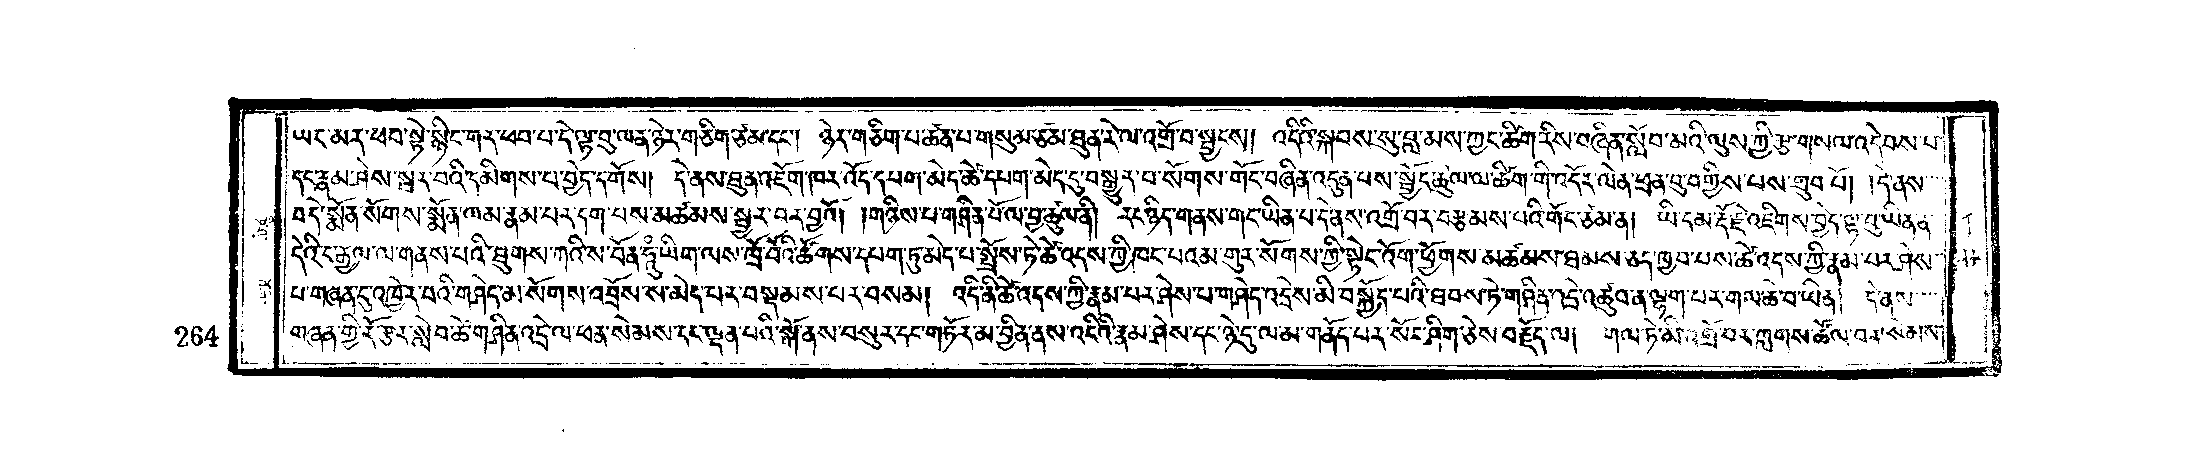ཡང་མར་ཕབ་སྟེ་སྙིང་གར་ཕབ་པ་དེ་ལྟ་བུ་ལན་ཉེར་གཅིག་ཙམ་དང་། ཉེར་གཅིག་པ་ཚན་པ་གསུམ་ཙམ་ཐུན་རེ་ལ་འགྲོ་བ་སྦྱངས། འདིའི་སྐབས་སུ་བླ་མས་ཀྱང་ཚིག་རིས་བཞིན་སློབ་མའི་ལུས་ཀྱི་རྩ་གསལ་འདེབས་པ་
དང་རྣམ་ཤེས་སྦར་བའི་དམིགས་པ་བྱེད་དགོས། དེ་ནས་ཐུན་འཇོག་ཁར་འོད་དཔག་མེད་ཚེ་དཔག་མེད་དུ་བསྒྱུར་བ་སོགས་གོང་བཞིན་འདུན་པས་སྦྱོང་ཚུལ་ལ་ཚིག་གི་འདོར་ལེན་ཕྲན་བུ་བགྱིས་པས་གྲུབ་པོ། །དེ་ནས་
བདེ་སྨོན་སོགས་སྨོན་ལམ་རྣམ་པར་དག་པས་མཚམས་སྦྱར་བར་བྱའོ། །གཉིས་པ་གཤིན་པོ་ལ་བྱ་ཚུལ་ནི། རང་ཉིད་གནས་གང་ཡིན་པ་དེ་ནས་འགྲོ་བར་བརྩམས་པའི་གོང་ཙམ་ན། ཡི་དམ་རྡོ་རྗེ་འཇིགས་བྱེད་ལྟ་བུ་ཡིན་ན་
དེའི་ང་རྒྱལ་ལ་གནས་པའི་ཐུགས་ཀའི་ས་བོན་ཧཱུཾ་ཡིག་ལས་ཁྲོ་བོའི་ཚོགས་དཔག་ཏུ་མེད་པ་སྤྲོས་ཏེ་ཚེ་འདས་ཀྱི་ཁང་པའམ་གུར་སོགས་ཀྱི་སྟེང་འོག་ཕྱོགས་མཚམས་ཐམས་ཅད་ཁྱབ་པས་ཚེ་འདས་ཀྱི་རྣམ་པར་ཤེས་
པ་གཞན་དུ་འཁྱེར་བའི་གཤེད་མ་སོགས་འབྲོས་ས་མེད་པར་བསྡམས་པར་བསམ། འདི་ནི་ཚེ་འདས་ཀྱི་རྣམ་པར་ཤེས་པ་གཤེད་འདྲེས་མི་བསྐྱོད་པའི་ཐབས་ཏེ་གཤིན་འདྲེ་འཚུབ་ན་ལྷག་པར་གལ་ཆེ་བ་ཡིན། དེ་ནས་
གཞན་གྱི་རོ་རྩར་སླེབ་ཚེ་གཤིན་འདྲེ་ལ་ཕན་སེམས་དང་ལྡན་པའི་སྒོ་ནས་བསུར་དང་གཏོར་མ་བྱིན་ནས་འདིའི་རྣམ་ཤེས་དང་ཉེ་དུ་ལ་མ་གནོད་པར་སོང་ཤིག་ཅེས་བརྗོད་ལ། གལ་ཏེ་མི་འགྲོ་བར་ཀླགས་ཚོལ་བར་སེམས་